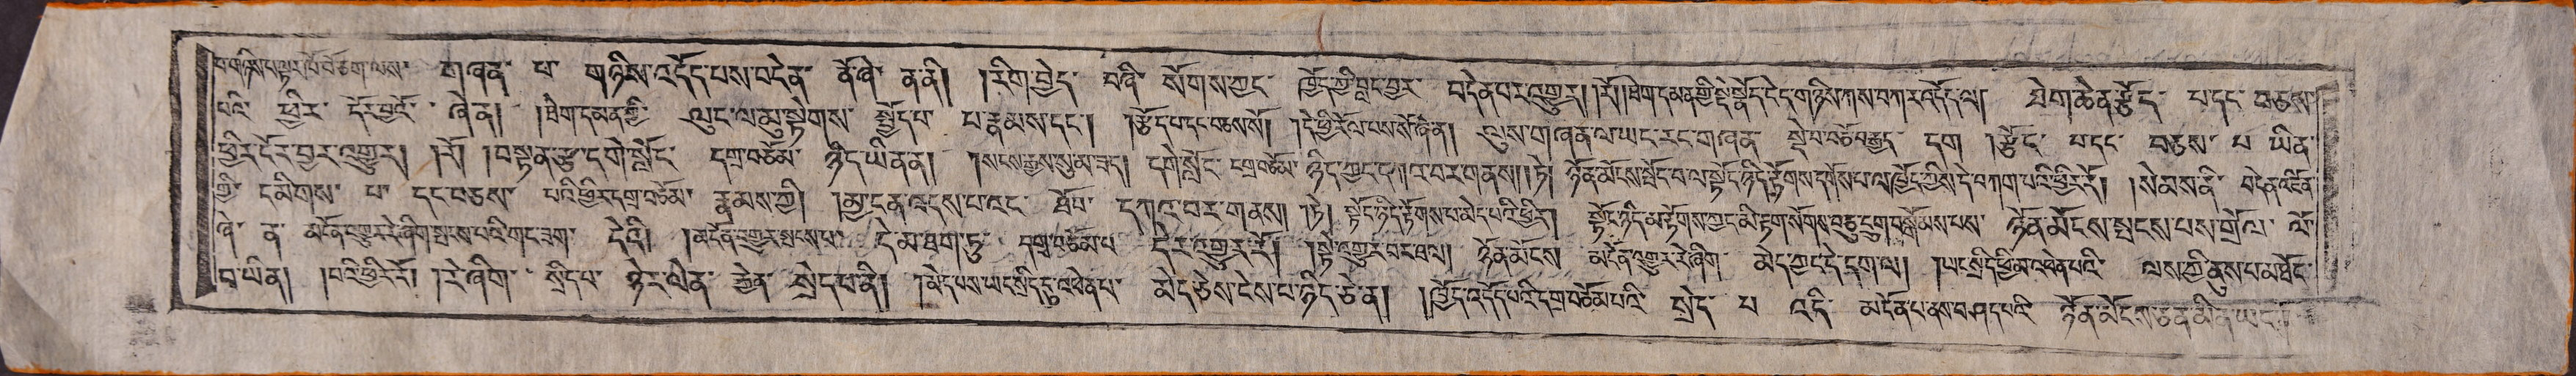པ་གཉིས་པ་ལྟར་ཁོ་བོ་ཅག་ལས་གཞན་པ་གཉིས་འདོད་པས་བདེན་ནོ་ཞེ་ན་ནི། །རིག་བྱེད་བཞི་སོགས་ཀྱང་ཁྱོད་ཀྱི་བླང་བྱར་བདེན་པར་འགྱུར། །རོ། །ཐེག་དམན་གྱི་སྡེ་སྣོད་ངེད་གཉིས་ཀས་བཀར་འདོད་ལ།  ཐེག་ཆེན་རྩོད་བ་དང་བཅས་
པའི་ཕྱིར་དོར་བྱའོ་ཞེ་ན། །ཐེག་དམན་གྱི་ལུང་ལ་མུ་སྟེགས་སྤྱོད་པ་པ་རྣམས་དང་། །རྩོད་པ་དང་བཅས་སོ། །དེ་ཕྱི་རོལ་བས་སོ་ཞེ་ན།  ལུས་གཞན་ལ་ཡང་རང་གཞན་སྡེ་པ་བཅོ་བརྒྱད་དག །རྩོད་པ་དང་བཅས་པ་ཡིན་
ཕྱིར་དོར་བྱར་འགྱུར། །རོ། །བསྟན་རྩ་དགེ་སློང་དགྲ་བཅོམ་ཉིད་ཡིན་ན། །སངས་རྒྱས་སུ་མ་ཟད། དགེ་སློང་དགྲ་བཅོམ་ཉིད་ཀྱང་དཀའ་བར་གནས། །ཏེ། ཉོན་མོངས་སྤོང་བ་ལ་སྟོང་ཉིད་རྟགས་དགོས་པ་ལ་ཁྱོད་ཀྱིས་དེ་བཀག་པའི་ཕྱིར་རོ།  །སེམས་ནི་བདེན་འཛིན་
གྱི་དམིགས་པ་དང་བཅས་པའི་ཕྱིར་དགྲ་བཅོམ་རྣམས་ཀྱི། །མྱ་ངན་འདས་པའང་ཐོབ་དཀའ་བར་གནས། །ཏེ། སྟོང་ཉིད་རྟོགས་པ་མེད་པའི་ཕྱིར། སྟོང་ཉིད་མ་རྟོགས་ཀྱང་མི་རྟག་སོགས་བཅུ་དྲུག་བསྒོམས་པས་ཉོན་མོངས་སྤངས་པས་གྲོལ་ལོ་
ཞེ་ན་མངོན་འགྱུར་རེ་ཞིག་སྤངས་པའི་གང་ཟག་དེའི། །མངོན་འགྱུར་སྤངས་པ་དེ་མ་ཐག་ཏུ་དགྲ་བཅོམ་པ་དེར་འགྱུར་རོ། །སྟེ་འགྱུར་བར་ཐལ།  ཉོན་མོངས་མངོན་འགྱུར་རེ་ཞིག་མེད་ཀྱང་དེ་དག་ལ། །ཡང་སྲིད་ཕྱི་མ་འཕེན་པའི་ལས་ཀྱི་ནུས་པ་མཐོང་
པ་ཡིན། །པའི་ཕྱིར་རོ།  །རེ་ཞིག་སྲིད་པ་ཉེར་ལེན་རྐྱེན་སྲེད་པ་ནི། །མེད་པས་ཡང་སྲིད་དུ་འཕེན་པ་མེད་ཅེས་ངེས་པ་ཉིད་ཅེ་ན། །ཁྱོད་འདོད་པའི་དགྲ་བཅོམ་པའི་རྒྱུད་ཀྱི་སྲེད་བ་འདི་མངོན་པ་ནས་བཤད་པའི་ཉོན་མོངས་ཅན་མིན་ཡང་། །